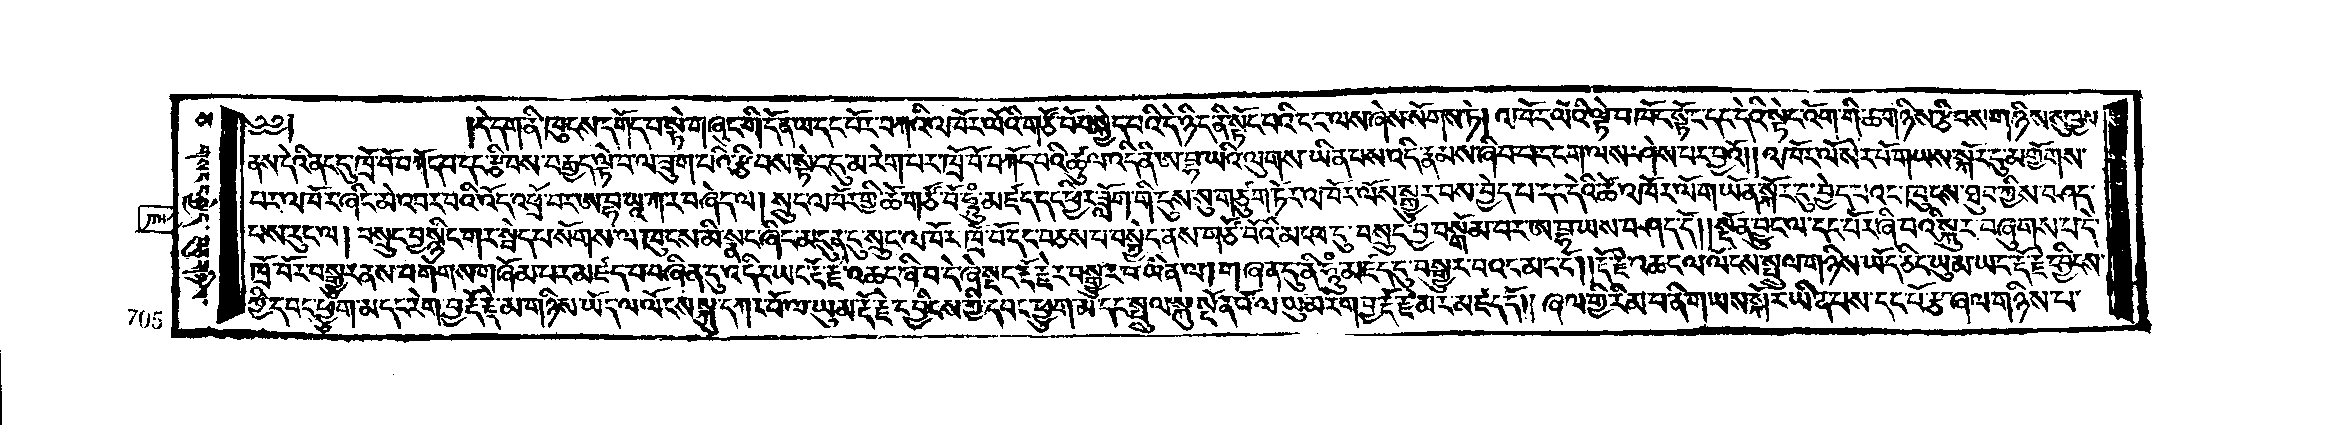༄༅། །དེ་དག་ནི་ཁུངས་དགོད་པ་སྟེ་གཞུང་གི་དོན་ལ་དང་པོར་བཀའི་འཁོར་ལོའི་གཙོ་བོ་བསྐྱེད་པའི་དེ་ཉིད་ནི་སྟོང་པའི་ངང་ལས་ཞེས་སོགས་ཏེ། འཁོར་ལོའི་ལྟེ་བ་ཁོང་སྟོང་དང་དེའི་སྟེང་འོག་གི་ཆ་གཉིས་རྩིབས་གཉིས་སུ་བྱས་
ནས་དེའི་ནང་དུ་ཁྲོ་བོ་བཀོད་པ་དང་རྩིབས་བརྒྱད་ལྟེ་བ་ལ་ཟུག་པའི་རྩིབས་སྟེང་དུ་མ་རེག་པར་ཁྲོ་བོ་བཀོད་པའི་ཚུལ་འདི་ནི་ཨ་བྷ་ཡའི་ལུགས་ཡིན་པས་འདི་རྣམས་ཞིབ་པར་ངག་ལས་ཤེས་པར་བྱའོ། །འཁོར་ལོ་སེར་པོ་གཡས་སྐོར་དུ་མགྱོགས་
པར་འཁོར་ཞིང་མེ་འབར་བའི་འོད་འཕྲ་བར་ཨ་བྷ་ཡཱ་ཀ་ར་བཞེད་ལ། སྲུང་འཁོར་གྱི་ཚེ་གཙོ་བོ་ཧཱུཾ་མཛད་དང་ཕྱིར་ཟློག་གི་དུས་སུ་གཙུག་ཏོར་འཁོར་ལོས་སྒྱུར་བས་བྱེད་པ་དང་དེའི་ཚེ་འཁོར་ལོ་གཡོན་སྐོར་དུ་བྱེད་པའང་ཁུངས་ཐུབ་ཀྱིས་བཤད་
པས་རུང་ལ། བསྲུང་བྱ་སྙིང་གར་སྦེད་པ་སོགས་ལ་ཁུངས་མི་སྣང་ཞིང་མདུན་དུ་སྲུང་འཁོར་ཁྲོ་བོ་དང་བཅས་པ་བསྐྱེད་ནས་གཙོ་བོའི་མངལ་དུ་བསྲུང་བྱ་བསྒོམ་པར་ཨ་བྷ་ཡས་བཤད་དོ། །སྔོན་བྱུང་ལ་དང་པོར་ཞི་བའི་སྐུར་བཞུགས་པ་དེ་
ཁྲོ་བོར་བསྒྱུར་ནས་བགེགས་གཞོམ་པར་མཛད་པ་བཞིན་དུ་འདིར་ཡང་རྡོ་རྗེ་འཆང་ཞི་བ་དེ་ཞེ་སྡང་རྡོ་རྗེར་བསྒྱུར་བ་ཡིན་ལ། གཞན་དུ་ནི་ཧཱུཾ་མཛད་དུ་བསྒྱུར་བའང་མང་ངོ། །རྡོ་རྗེ་འཆང་ལ་ལོངས་སྤྲུལ་གཉིས་ཡོད་ཅིང་ཡུམ་ཡང་རྡོ་རྗེ་དབྱིངས་
ཀྱི་དབང་ཕྱུག་མ་དང་རེག་བྱ་རྡོ་རྗེ་མ་གཉིས་ཡོད་ལ་ལོངས་སྐུ་དཀར་པོ་ལ་ཡུམ་རྡོ་རྗེ་དབྱིངས་ཀྱི་དབང་ཕྱུག་མ་དང་སྤྲུལ་སྐུ་སྔོན་པོ་ལ་ཡུམ་རེག་བྱ་རྡོ་རྗེ་མར་མཛད་དོ། །ཞལ་གྱི་རིམ་པ་ནི་གཡས་སྐོར་ཡིན་པས་དང་པོ་རྩ་ཞལ་གཉིས་པ་